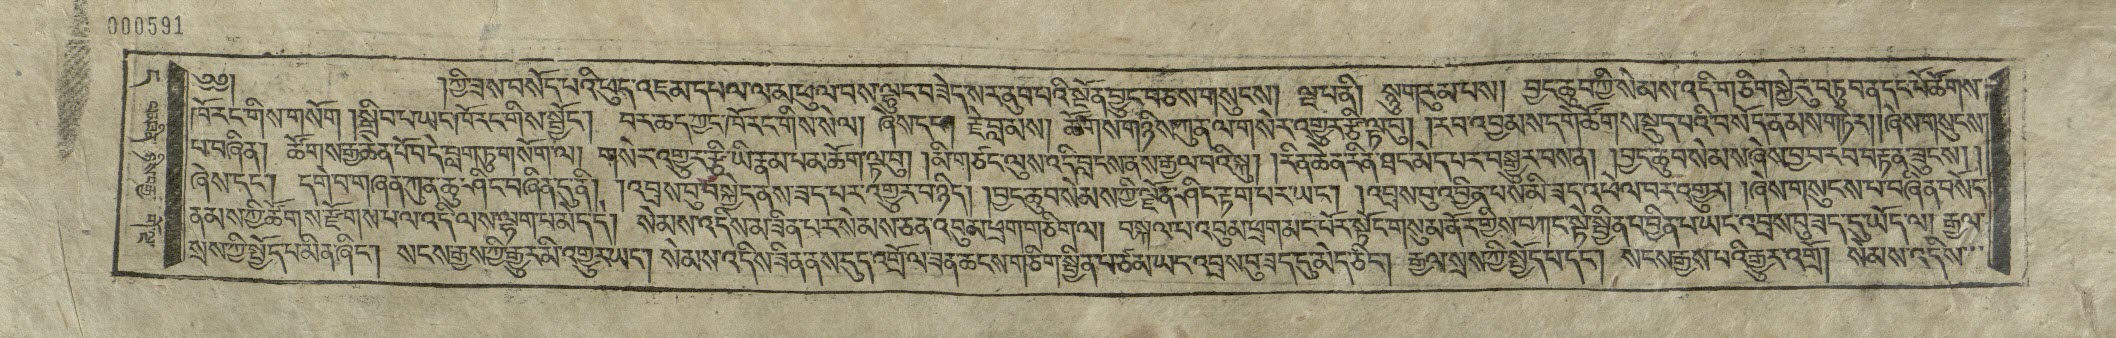༄༅། །ཀྱི་ཟས་བསོད་པའི་ཕུད་འཇམ་དཔལ་ལ་མ་ཕུལ་བས་ལྷུང་བཟེད་སར་ནུབ་པའི་སྔོན་བྱུང་བཅས་གསུངས། ལྔ་པ་ནི། སྙུག་རུམ་པས། བྱང་ཆུབ་ཀྱི་སེམས་འདི་གཅིག་སྐྱེ་རུ་བཏུབ་ན་དང་པོ་ཚོགས་
ཁོ་རང་གིས་གསོག །སྒྲིབ་པ་ཡང་ཁོ་རང་གིས་སྦྱོང་། བར་ཆད་ཀྱང་ཁོ་རང་གིས་སེལ། ཞེས་དང་། རྗེ་བླ་མས། ཚོགས་གཉིས་ཀུན་ལ་གསེར་འགྱུར་རྩི་ལྟ་བུ། །རབ་འབྱམས་དགེ་ཚོགས་སྡུད་པའི་བསོད་ནམས་གཏེར། །ཞེས་གསུངས་
པ་བཞིན། ཚོགས་རྒྱ་ཆེན་པོ་བདེ་བླག་ཏུ་གསོག་ལ། གསེར་འགྱུར་རྩི་ཡི་རྣམ་པ་མཆོག་ལྟ་བུ། །མི་གཙང་ལུས་འདི་བླངས་ནས་རྒྱལ་བའི་སྐུ། །རིན་ཆེན་རིན་ཐང་མེད་པར་བསྒྱུར་བས་ན། །བྱང་ཆུབ་སེམས་ཞེས་བྱ་བ་རབ་བརྟན་ཟུངས། །
ཞེས་དང་། དགེ་བ་གཞན་ཀུན་ཆུ་ཤིང་བཞིན་དུ་ནི། །འབྲས་བུ་བསྐྱེད་ནས་ཟད་པར་འགྱུར་བ་ཉིད། །བྱང་ཆུབ་སེམས་ཀྱི་ལྗོན་ཤིང་རྟག་པར་ཡང་། །འབྲས་བུ་འབྱིན་པས་མི་ཟད་འཕེལ་བར་འགྱུར། །ཞེས་གསུངས་པ་བཞིན་བསོད་
ནམས་ཀྱི་ཚོགས་རྫོགས་པ་ལ་འདི་ལས་ལྷག་པ་མེད་དེ། སེམས་འདིས་མ་ཟིན་པར་སེམས་ཅན་འབུམ་ཕྲག་གཅིག་ལ། བསྐལ་པ་འབུམ་ཕྲག་མང་པོར་སྟོང་གསུམ་ནོར་གྱིས་བཀང་སྟེ་སྦྱིན་པ་བྱིན་པ་ཡང་འབྲས་བུ་ཟད་དུ་ཡོད་ལ། རྒྱལ་
སྲས་ཀྱི་སྤྱོད་པ་མིན་ཞིང་། སངས་རྒྱས་ཀྱི་རྒྱུར་མི་འགྱུར་ཡང་། སེམས་འདིས་ཟིན་ནས་དུད་འགྲོ་ལ་ཟན་ཆངས་གཅིག་སྦྱིན་པ་ཙམ་ཡང་འབྲས་བུ་ཟད་དུ་མེད་ཅིང་། རྒྱལ་སྲས་ཀྱི་སྤྱོད་པ་དང་། སངས་རྒྱས་པའི་རྒྱུར་འགྲོ། སེམས་འདིས་